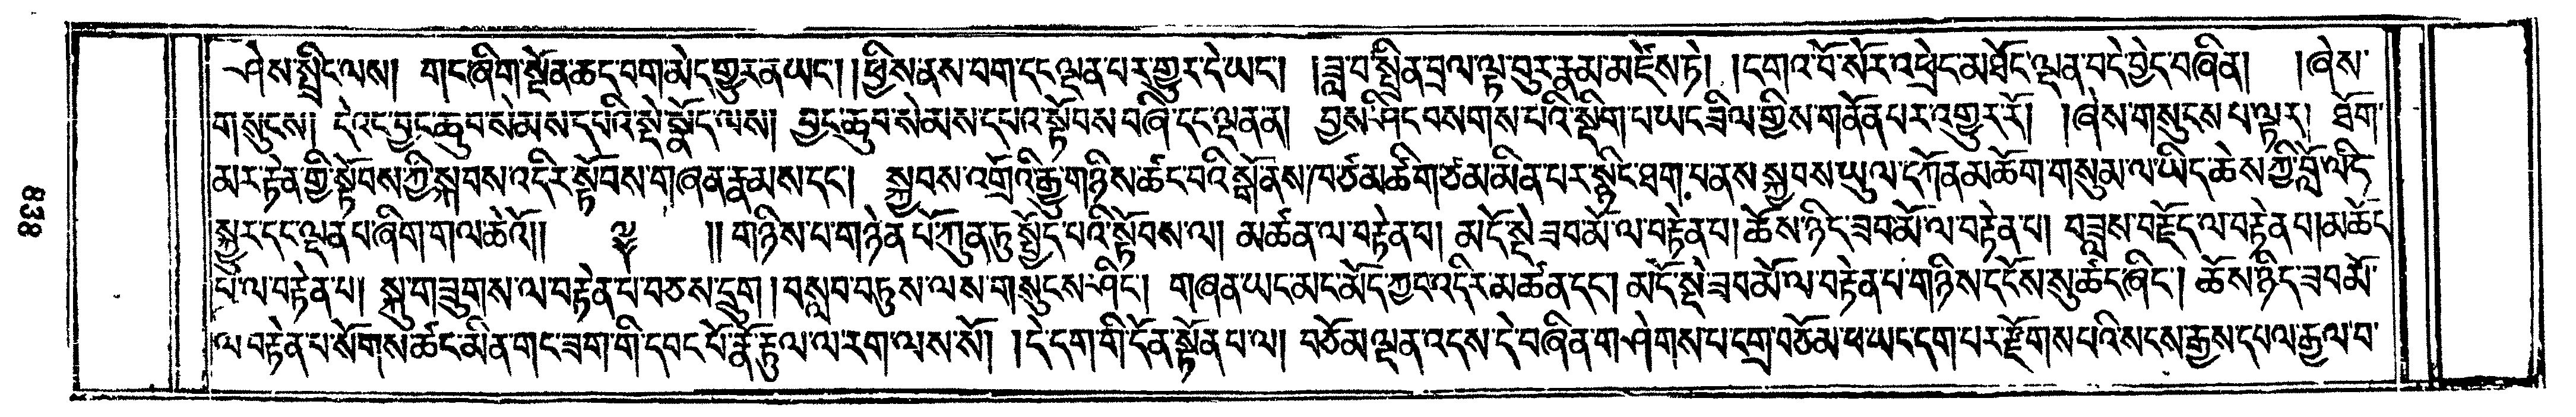ཤེས་སྤྲིང་ལས། གང་ཞིག་སྔོན་ཆད་བག་མེད་གྱུར་ན་ཡང་། །ཕྱིས་ནས་བག་དང་ལྡན་པར་གྱུར་དེ་ཡང་། །ཟླ་བ་སྤྲིན་བྲལ་ལྟ་བུར་རྣམ་མཛེས་ཏེ། །དགའ་བོ་སོར་འཕྲེང་མཐོང་ལྡན་བདེ་བྱེད་བཞིན། །ཞེས་
གསུངས། དེའང་བྱང་ཆུབ་སེམས་དཔའི་སྡེ་སྣོད་ལས། བྱང་ཆུབ་སེམས་དཔའ་སྟོབས་བཞི་དང་ལྡན་ན། བྱས་ཤིང་བསགས་པའི་སྡིག་པ་ཡང་ཟིལ་གྱིས་གནོན་པར་འགྱུར་རོ། །ཞེས་གསུངས་པ་ལྟར། ཐོག་
མར་རྟེན་གྱི་སྟོབས་ཀྱི་སྐབས་འདིར་སྟོབས་གཞན་རྣམས་དང་། སྐྱབས་འགྲོའི་རྒྱུ་གཉིས་ཚང་བའི་སྒོ་ནས་ཁ་ཙམ་ཚིག་ཙམ་མིན་པར་སྙིང་ཐག་པ་ནས་སྐྱབས་ཡུལ་དཀོན་མཆོག་གསུམ་ལ་ཡིད་ཆེས་ཀྱི་བློ་ལིང་
སྐྱུར་དང་ལྡན་པ་ཞིག་གལ་ཆེའོ།། ༈ །།གཉིས་པ་གཉེན་པོ་ཀུན་ཏུ་སྤྱོད་པའི་སྟོབས་ལ། མཚན་ལ་བརྟེན་པ། མདོ་སྡེ་ཟབ་མོ་ལ་བརྟེན་པ། ཆོས་ཉིད་ཟབ་མོ་ལ་བརྟེན་པ། བཟླས་བརྗོད་ལ་བརྟེན་པ། མཆོད་
པ་ལ་བརྟེན་པ། སྐུ་གཟུགས་ལ་བརྟེན་པ་བཅས་དྲུག །བསླབ་བཏུས་ལས་གསུངས་ཤིང་། གཞན་ཡང་མང་མོད་ཀྱང་འདིར་མཚན་དང་། མདོ་སྡེ་ཟབ་མོ་ལ་བརྟེན་པ་གཉིས་དངོས་སུ་ཚང་ཞིང་། ཆོས་ཉིད་ཟབ་མོ་
ལ་བརྟེན་པ་སོགས་ཚང་མིན་གང་ཟག་གི་དབང་པོ་རྣོ་རྟུལ་ལ་རག་ལས་སོ། །དེ་དག་གི་དོན་སྟོན་པ་ལ། བཅོམ་ལྡན་འདས་དེ་བཞིན་གཤེགས་པ་དགྲ་བཅོམ་པ་ཡང་དག་པར་རྫོགས་པའི་སངས་རྒྱས་དཔལ་རྒྱལ་བ་